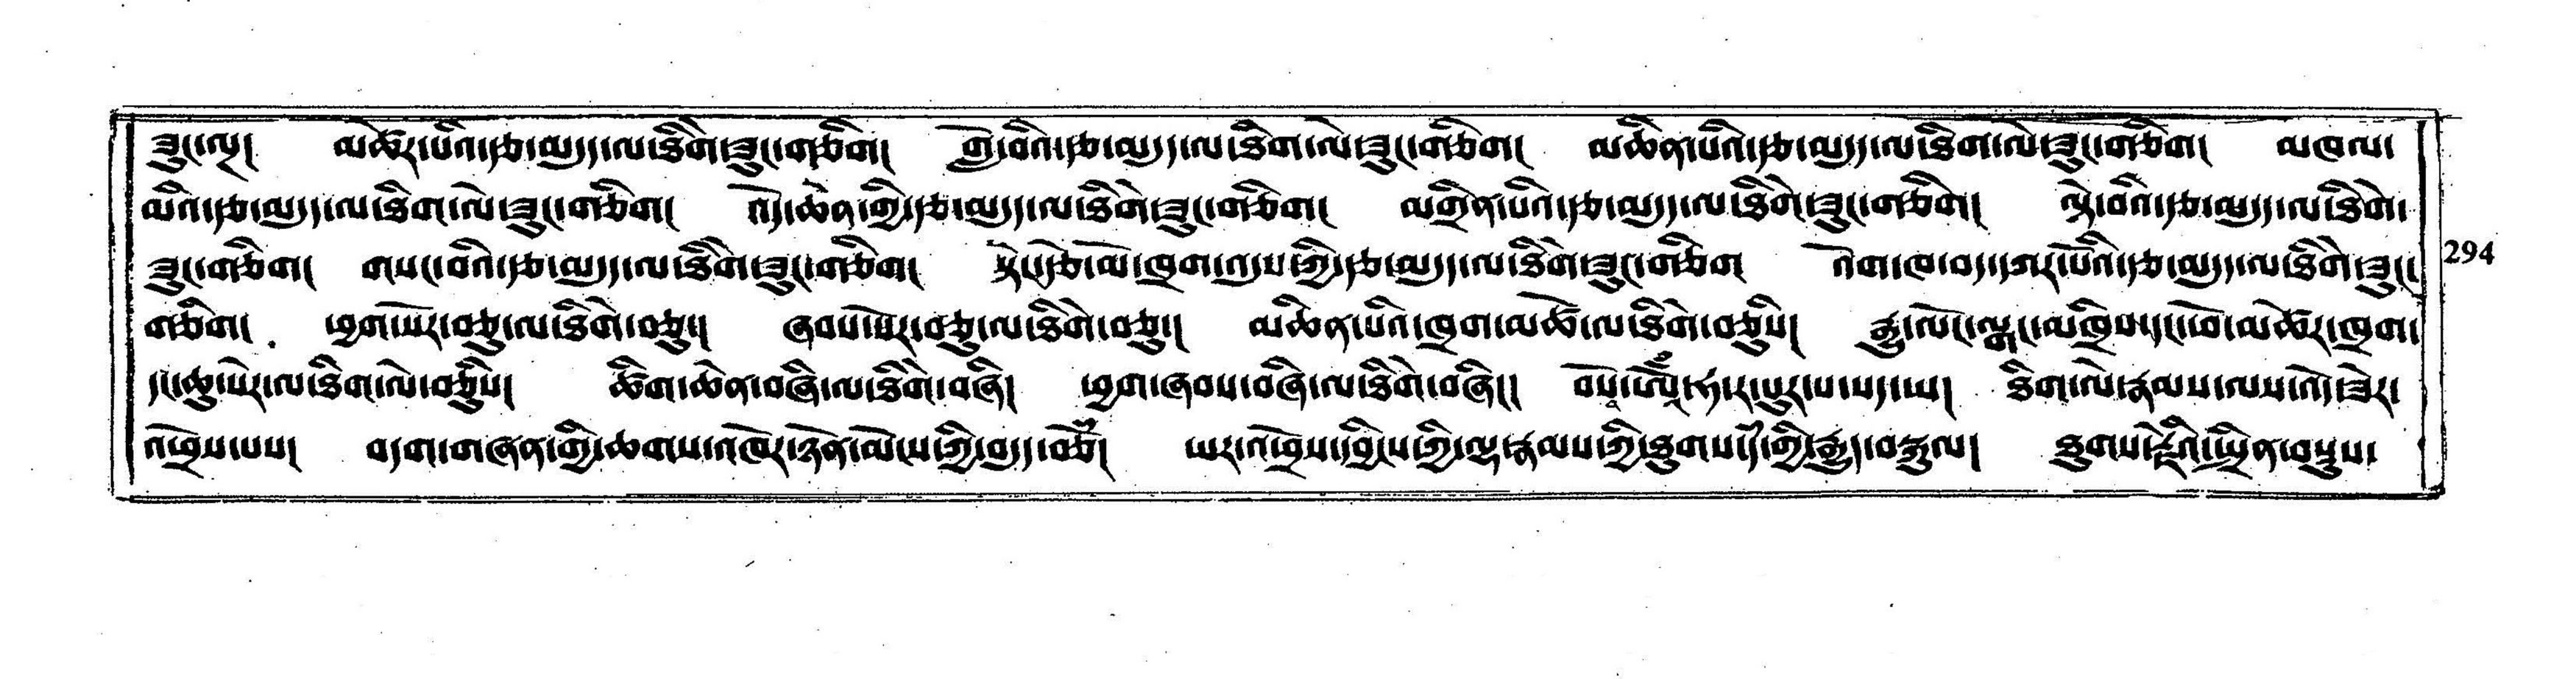ཟུང་ལྔ། མཚེར་པའི་རྩ་མདུད་ལ་ཐིག་ལེ་ཟུང་གཅིག གློ་བའི་རྩ་མདུད་ལ་ཐིག་ལེ་ཟུང་གཅིག མཆིན་པའི་རྩ་མདུད་ལ་ཐིག་ལེ་ཟུང་གཅིག མཁལ་
མའི་རྩ་མདུད་ལ་ཐིག་ལེ་ཟུང་གཅིག འོད་ཆེན་གྱི་རྩ་མདུད་ལ་ཐིག་ལེ་ཟུང་གཅིག མགྲིན་པའི་རྩ་མདུད་ལ་ཐིག་ལེ་ཟུང་གཅིག ལྟེ་བའི་རྩ་མདུད་ལ་ཐིག་ལེ་
ཟུང་གཅིག གསང་བའི་རྩ་མདུད་ལ་ཐིག་ལེ་ཟུང་གཅིག སྟེང་རྩེ་མོ་ཁྲག་འདུས་ཀྱི་རྩ་མདུད་ལ་ཐིག་ལེ་ཟུང་གཅིག འོག་ཁ་བད་དཀར་པོའི་རྩ་མདུད་ལ་ཐིག་ལེ་ཟུང་
གཅིག ཕྱག་སོར་བཅུ་ལ་ཐིག་ལེ་བཅུ། ཞབས་སོར་བཅུ་ལ་ཐིག་ལེ་བཅུ། མཆིན་པའི་ཁྲག་མཚོ་ལ་ཐིག་ལེ་བཅུ་གཉིས། རྒྱུ་ལོང་ལྒང་མཁྲིས་དང་ཕོ་མཚེར་ཁྲག་
དང་ཆུ་སེར་ལ་ཐིག་ལེ་བཅུ་གཉིས། ཚིགས་ཆེན་བཞི་ལ་ཐིག་ལེ་བཞི། ཕྱག་ཞབས་བཞི་ལ་ཐིག་ལེ་བཞི།། བསྭོ་ཨཱོཾ་ཧ་ར་པུར་པ་སད་ཡ། ཐིག་ལེ་རྣམས་ལས་འོད་ཟེར་
འཕྲོས་པས། བདག་གཞན་གྱི་ཆགས་འཁོར་ཉོན་མོངས་ཀྱི་བདུད་བཅོམ། ཡར་འཕྲོས་དབྱིངས་ཀྱི་ལྷ་རྣམས་ཀྱི་ཐུགས་དམ་གྱི་རྒྱུད་བསྐུལ། ཐུགས་རྗེའི་སྤྲིན་བསྡུས་